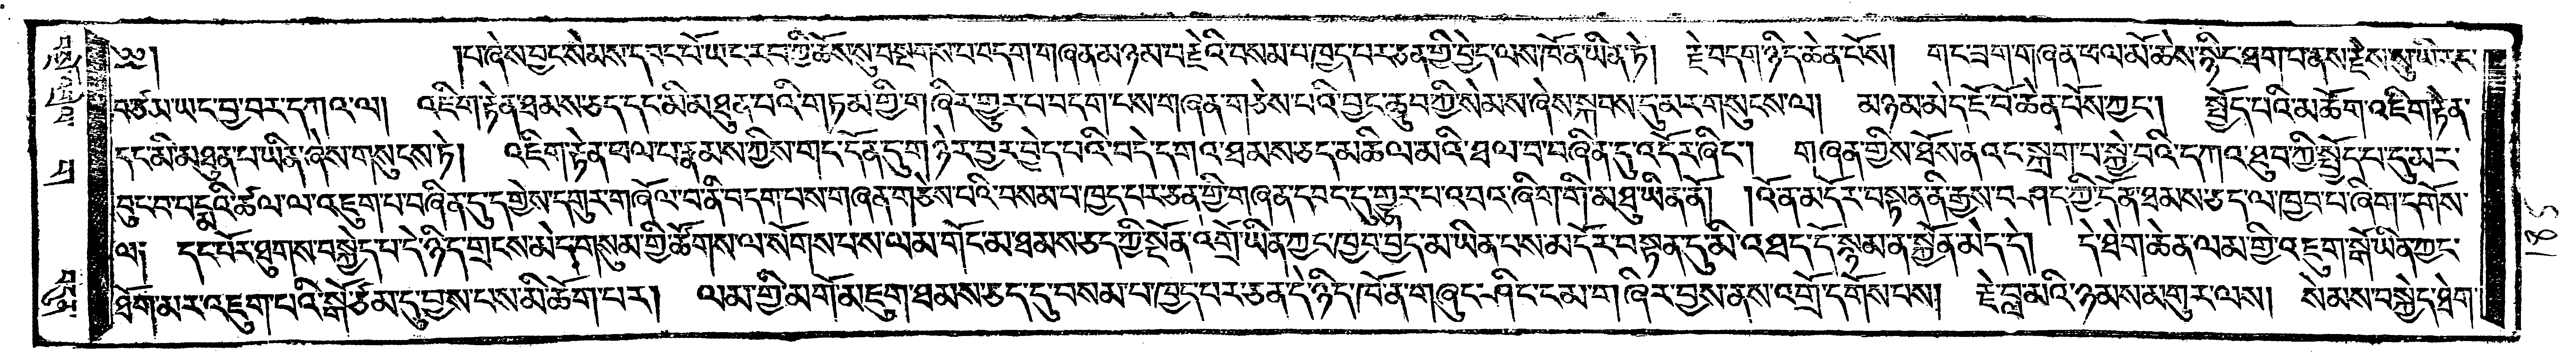༄༅། །པ་ཞེས་བྱང་སེམས་དབང་པོ་ཡང་རབ་ཀྱི་ཆོས་སུ་བསྔགས་བ་བདག་གཞན་མཉམ་བརྗེའི་བསམ་པ་ཁྱད་པར་ཅན་གྱི་བྱེད་ལས་ཁོ་ན་ཡིན་ཏེ། རྗེ་བདག་ཉིད་ཆེན་པོས། གང་ཟག་གཞན་ཕལ་མོ་ཆེས་སྙིང་ཐག་པ་ནས་རྗེས་སུ་ཡི་རང་
བཙམ་ཡང་བྱ་བར་དཀའ་ལ། འཇིག་རྟེན་ཐམས་ཅད་དང་མི་མཐུན་པའི་གཏམ་གྱི་གཞིར་གྱུར་པ་བདག་པས་གཞན་གཅེས་པའི་བྱང་ཆུབ་ཀྱི་སེམས་ཞེས་སྐབས་དུ་མར་གསུངས་ལ། མཉམ་མེད་ཇོ་བོ་ཆེན་པོས་ཀྱང་། སྤྱོད་པའི་མཆོག་འཇིག་རྟེན་
དང་མི་མཐུན་པ་ཡིན་ཞེས་གསུངས་ཏེ། འཇིག་རྟེན་ཕལ་པ་རྣམས་ཀྱིས་གང་དོན་དུ་གཉེར་བྱར་བྱེད་པའི་བདེ་དགའ་ཐམས་ཅད་མཆིལ་མའི་ཐལ་བ་བཞིན་དུ་འདོར་ཞིང་། གཞན་གྱིས་ཐོས་ནའང་སྐྲག་པ་སྐྱེ་བའི་དཀའ་ཐུབ་ཀྱི་སྤྱོད་པ་དུ་མར་
བུང་པ་པདམའི་ཚལ་ལ་འཇུག་པ་བཞིན་དུ་དགྱེས་དགུར་གཞོལ་བ་ནི་བདག་པས་གཞན་གཅེས་པའི་བསམ་པ་ཁྱད་པར་ཅན་གྱི་གཞན་དབང་དུ་གྱུར་པ་འབའ་ཞིག་གི་མཐུ་ཡིན་ནོ། །འོན་མདོར་བསྟན་ནི་རྒྱས་བཤད་ཀྱི་དོན་ཐམས་ཅད་ལ་ཁྱབ་བ་ཞིག་དགོས་
ལ། དང་བོར་ཐུགས་བསྐྱེད་པ་དེ་ཉིད་གྲངས་མེད་གསུམ་གྱི་ཚོགས་ལ་སོགས་པས་ལམ་གོང་མ་ཐམས་ཅད་ཀྱི་སྔོན་འགྲོ་ཡིན་ཀྱང་ཁྱབ་བྱེད་མ་ཡིན་པས་མདོར་བསྟན་དུ་མི་འཐད་དོ་སྙམ་ན་སྐྱོན་མེད་དེ། དེ་ཐེག་ཆེན་ལམ་གྱི་འཇུག་སྒོ་ཡིན་ཀྱང་
ཐོག་མར་འཇུག་པའི་སྒོ་ཙམ་དུ་བྱས་པས་མི་ཆོག་པར། ལམ་གྱི་མགོ་མཇུག་ཐམས་ཅད་དུ་བསམ་པ་ཁྱད་པར་ཅན་དེ་ཉིད་ཁོ་ན་གཞུང་ཤིང་ངམ་གཞིར་བྱས་ནས་འགྲོ་དགོས་པས། རྗེ་བླ་མའི་ཉམས་མགུར་ལས། སེམས་བསྐྱེད་ཐེག་